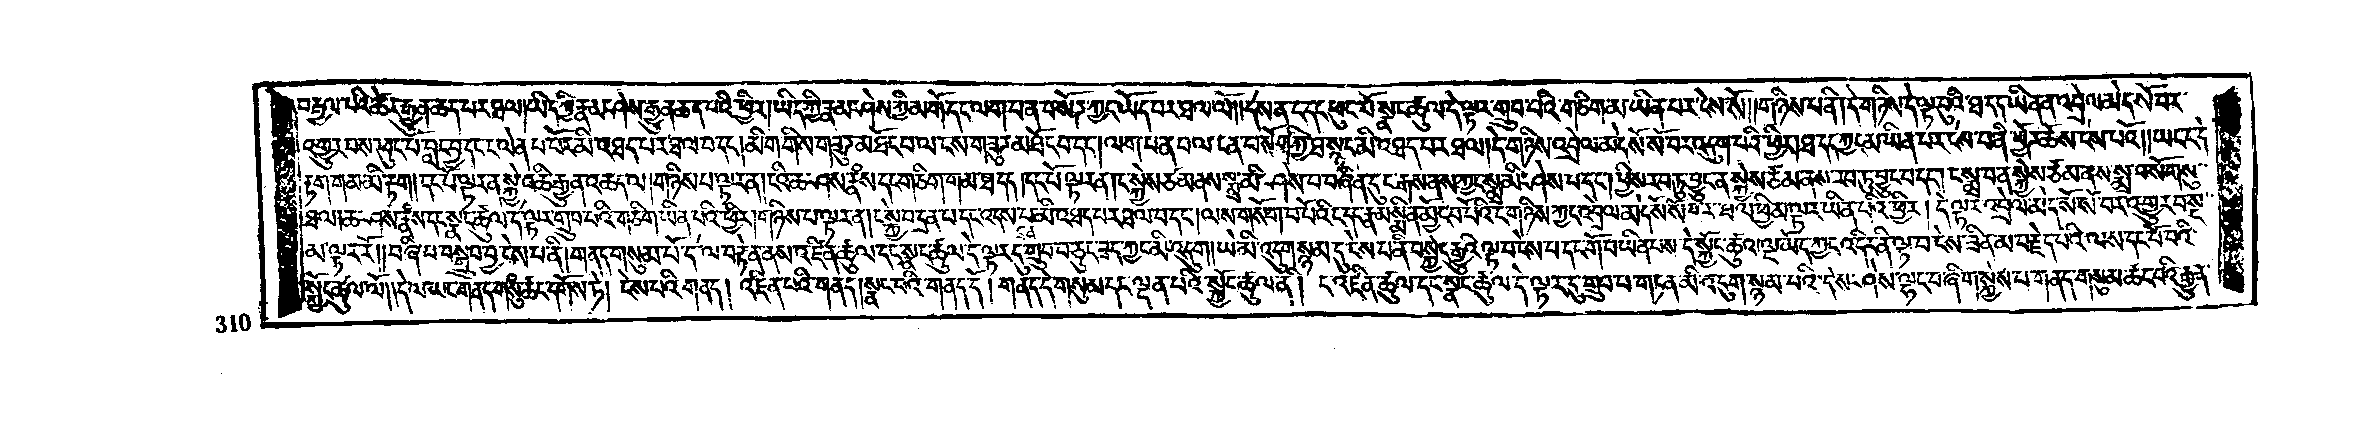བརྒྱལ་བའི་ཚེར་རྒྱུན་ཆད་པར་ཐལ། ཡིད་ཀྱི་རྣམ་ཤེས་རྒྱུན་ཆད་པའི་ཕྱིར། ཡིད་ཀྱི་རྣམ་ཤེས་ཀྱི་མགོ་དང་ལག་པ་ན་བ་སོགས་ཀྱང་ཡོད་པར་ཐལ་ལོ། །དེས་ན་ང་དང་ཕུང་པོ་སྣང་ཚུལ་དེ་ལྟར་གྲུབ་པའི་གཅིག་མ་ཡིན་པར་ངེས་སོ། །གཉིས་པ་ནི། དེ་གཉིས་དེ་ལྟ་བུའི་ཐ་དད་ཡིན་ན་འབྲེལ་མེད་སོ་བར་
འགྱུར་བས་ཕུང་པོ་བླང་བྱ་དང་ང་ལེན་པ་པོར་མི་འཐད་པར་ཐལ་བ་དང་། མིག་གིས་གཟུགས་མཐོང་བ་ལ་ངས་གཟུགས་མཐོང་བ་དང་། ལག་པ་ན་བ་ལ་ངན་པ་སོགས་ཀྱི་ཐ་སྙད་མི་འཐད་པར་ཐལ། དེ་གཉིས་འབྲེལ་མེད་སོ་སོ་བར་འདུག་པའི་ཕྱིར། ཐ་དད་ཀྱང་མ་ཡིན་པར་ངེས་པ་ནི་ཕྱོགས་ཆོས་ངེས་པའོ། །ཡང་ང་དེ་
རྟག་གམ་མི་རྟག །དང་པོ་ལྟར་ན་སྐྱེ་འཆི་རྒྱུན་འཆད་ལ། གཉིས་པ་ལྟར་ན། ངའི་ཆ་ཤས་རྣམས་དང་གཅིག་གམ་ཐ་དད་།དང་པོ་ལྟར་ན། ང་སྐྱེས་ཙམ་ནས་སྨྲ་མི་ཤེས་པ་བཞིན་དུ་ང་རྒས་ནས་ཀྱང་སྨྲ་མི་ཤེས་པ་དང་། ཕྱིས་རབ་ཏུ་བྱུང་ན་སྐྱེས་ཙམ་ནས་རབ་ཏུ་བྱུང་བ་དང་། ང་སྨྲ་བ་ན་སྐྱེས་ཙམ་ནས་སྨྲ་བ་སོགས་སུ་
ཐལ། ཆ་ཤས་རྣམས་དང་སྣང་ཚུལ་དེ་ལྟར་གྲུབ་པའི་གཅིག་ཡིན་པའི་ཕྱིར། གཉིས་པ་ལྟར་ན། ང་སྐྱེ་བ་དྲན་པ་དང་འདས་པ་དྲན?་མི་འཐད་པར་ཐལ་བ་དང་། ལས་གསོག་པ་པོའི་ང་དང་རྣམ་སྨིན་མྱོང་བ་པོའི་ང་གཉིས་ཀྱང་འབྲེལ་མེད་སོ་སོ་བར་ཐལ་ཕྱི་མ་ལྟར་ཡིན་པའི་ཕྱིར། དེ་ལྟར་འབྲེལ་མེད་སོ་སོ་བར་འགྱུར་བ་སྔ་
མ་ལྟར་རོ། །བཞི་པ་བསྒྲུབ་བྱ་ངེས་པ་ནི། གནད་གསུམ་པོ་དེ་ལ་བརྟེན་ནས་འཛིན་ཚུལ་དང་སྣང་ཚུལ་དེ་ལྟར་དུ་གྲུབ་པ་ཅུང་ཟད་ཀྱང་མི་འདུག །ཡེ་མི་འདུག་སྙམ་དུ་ངེས་པ་ནི་བསྐྱེད་རྒྱུའི་ལྟ་བ་ངེས་པ་དང་གོ་བ་ཡིན་པས་དེ་སྐྱོང་ཚུལ་ལྔ་ཡོད་ཀྱང་འདིར་ནི་ལྟ་བ་ངེས་ཟིན་མ་བརྗེད་པའི་ལས་དང་པོ་པའི་
སྐྱོང་ཚུལ་ལོ། །དེ་ལ་ཡང་གནད་གསུམ་ཚང་དགོས་ཏེ། ངེས་པའི་གནད། འཛིན་པའི་གནད། སྣང་བའི་གནད་དོ། གནད་དེ་གསུམ་དང་ལྡན་པའི་སྐྱོང་ཚུལ་ནི། ང་འཛིན་ཚུལ་དང་སྣང་ཚུལ་དེ་ལྟར་དུ་གྲུབ་པ་གཏན་མི་འདུག་སྙམ་པའི་ངེས་ཤེས་ལྷང་བ་ཞིག་སྐྱེས་པ་གནད་གསུམ་ཚང་བའི་རྒྱུན་